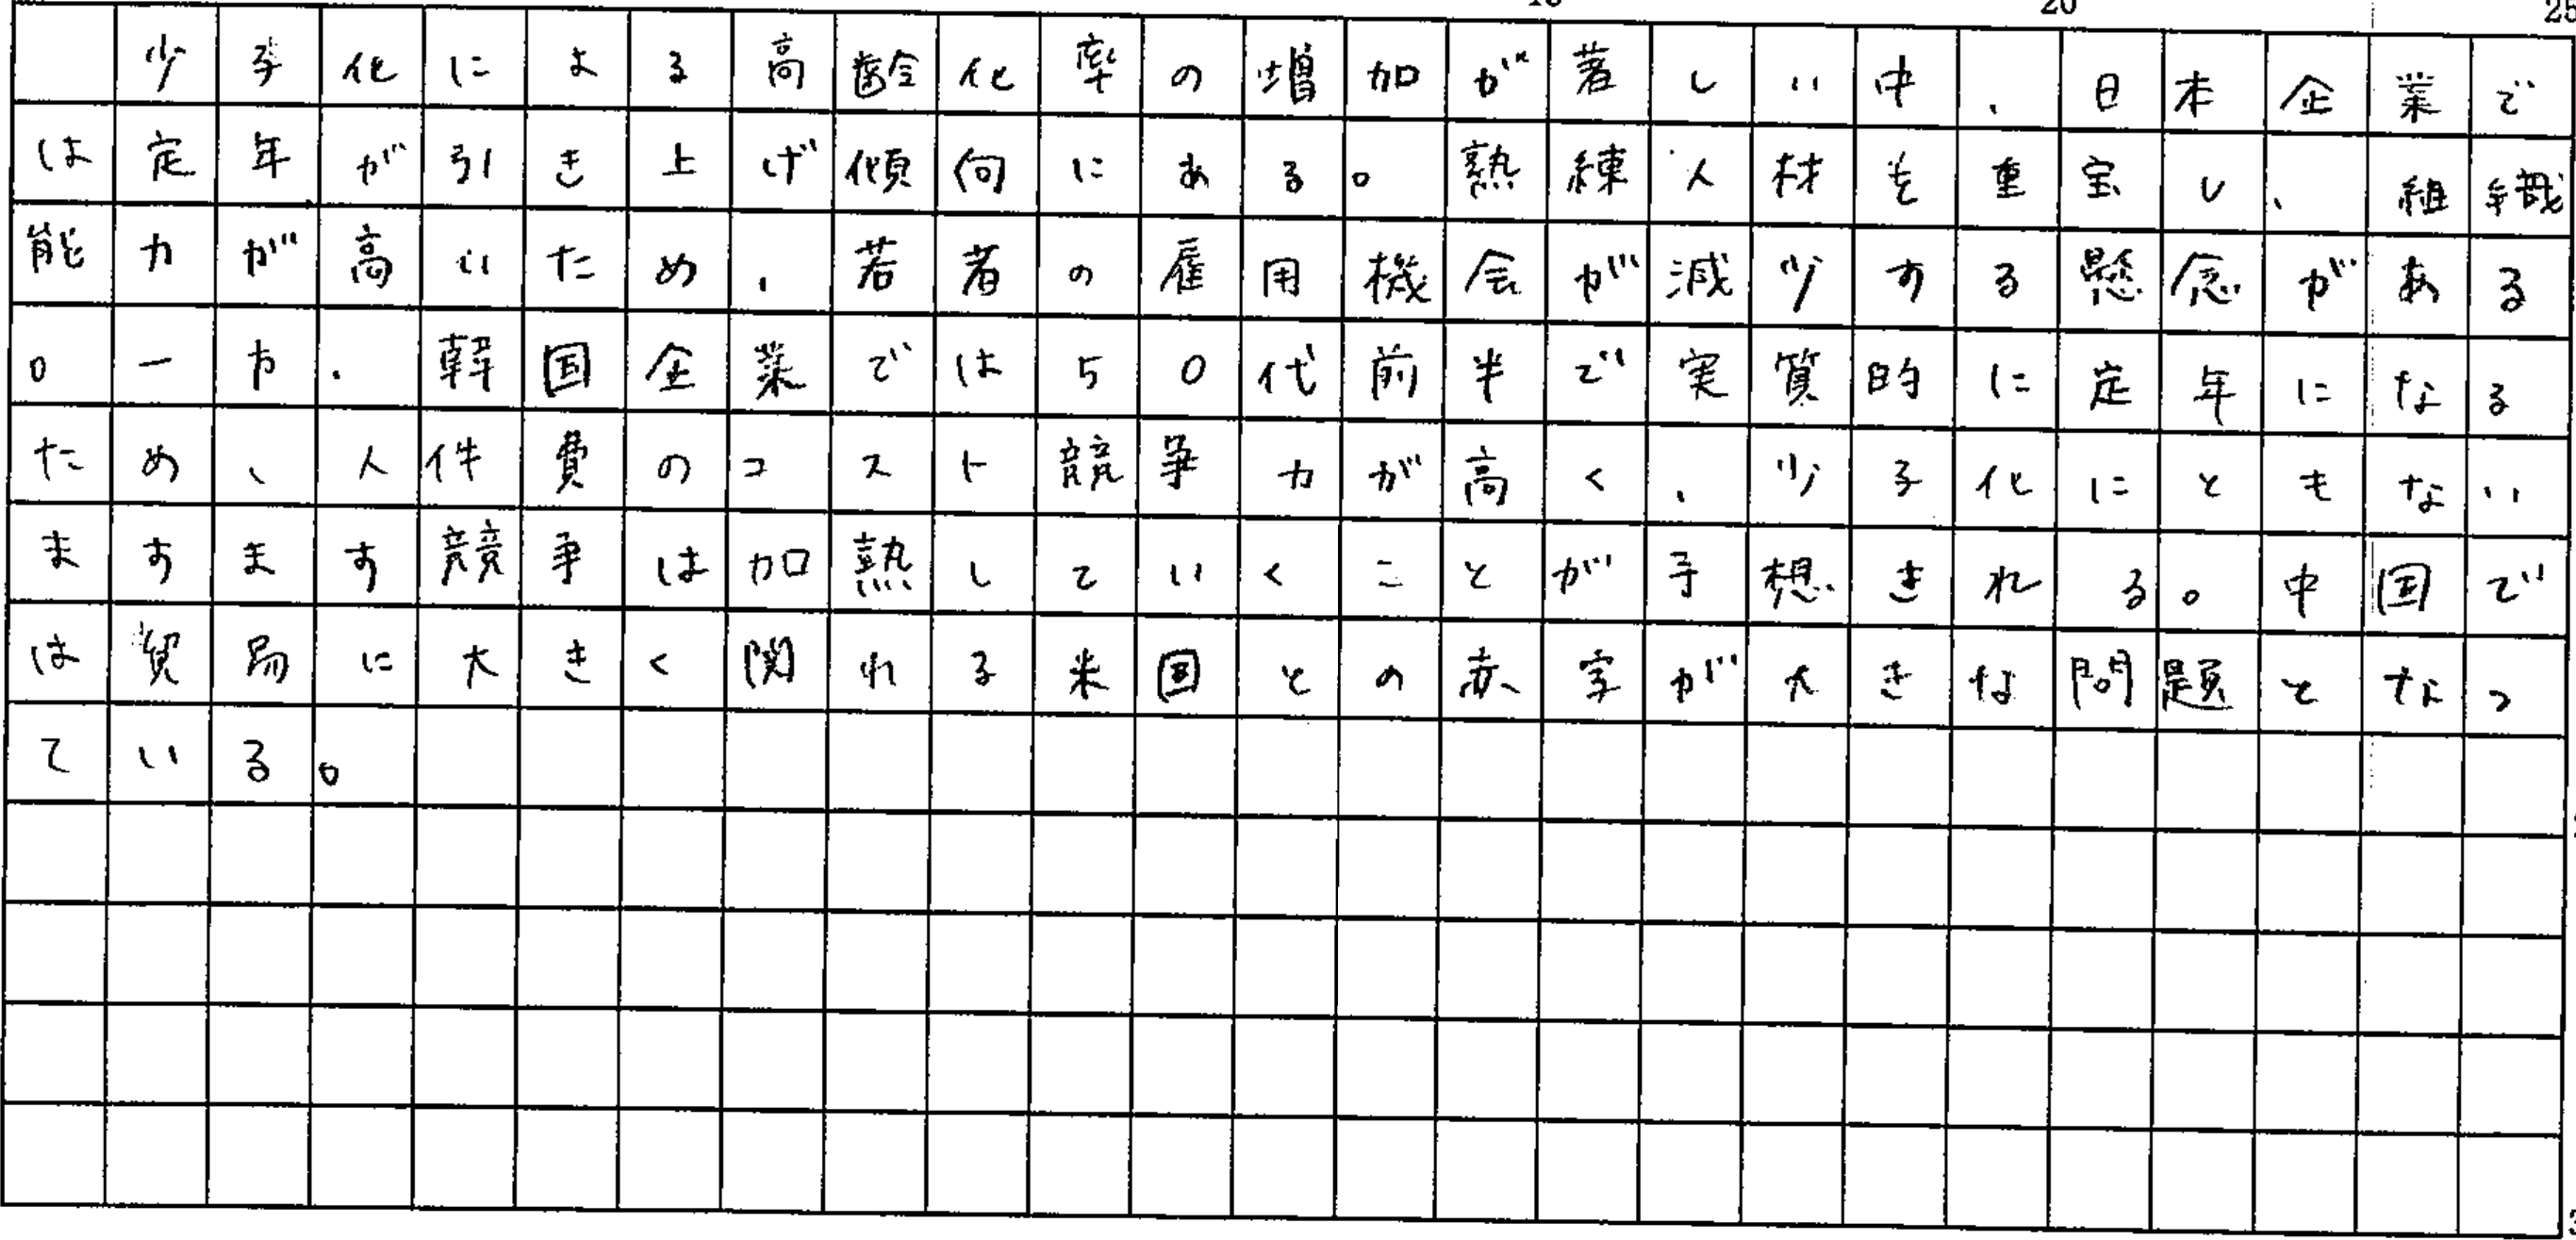　少子化による高齢化率の増加が著しい中、日本企業では定年が引き上げ傾向にある。熟練人材を重宝し、組織能力が高いため、若者の雇用機会が減少する懸念がある。一方、韓国企業では５０代前半で実質的に定年になるため、人件費のコスト競争力が高く、少子化にともないますます競争は加熱していくことが予想きれる。中国では貿易に大きく関れる米国との赤字が大きな問題となっている。
